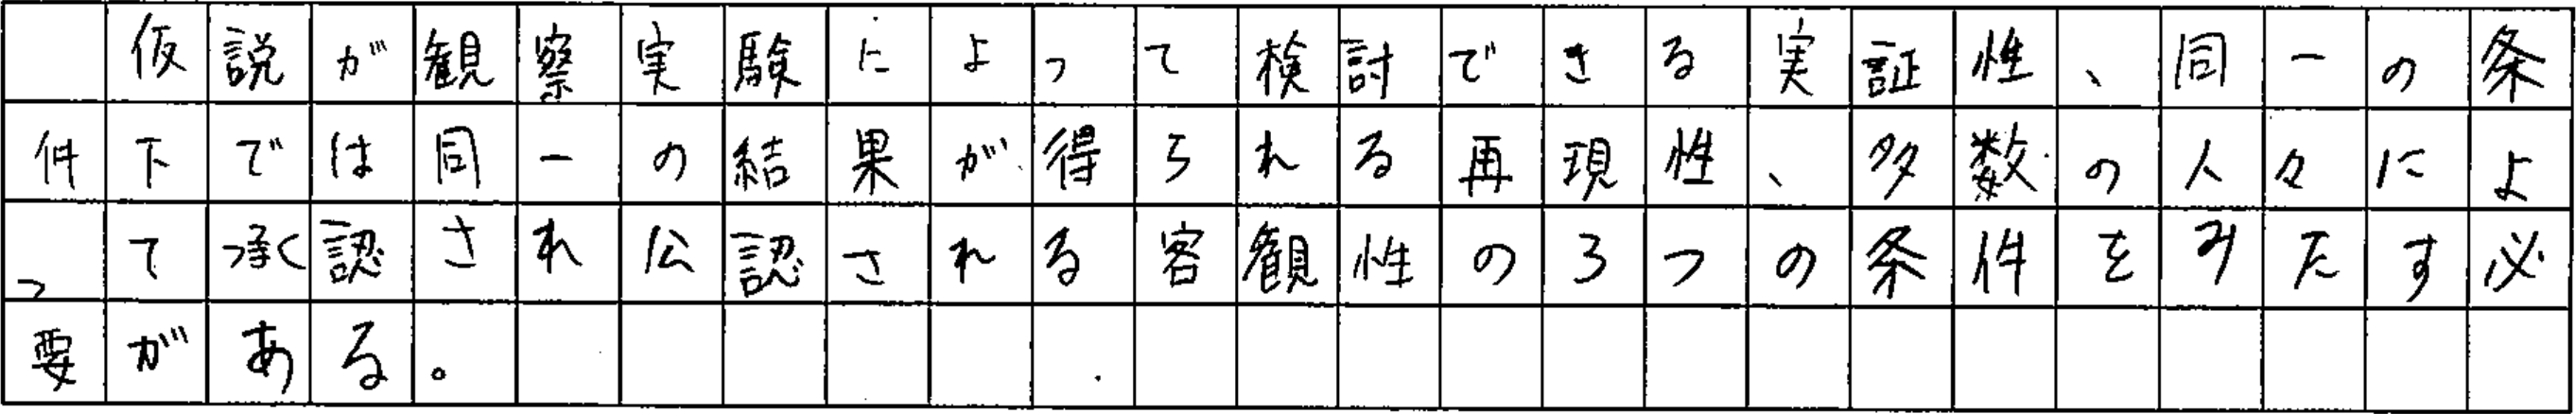　仮説が観察実験によって検討できる実証性、同一の条件下では同一の結果が得られる再現性、多数の人々によって承認され公認される客観性の３つの条件をみたす必要がある。
